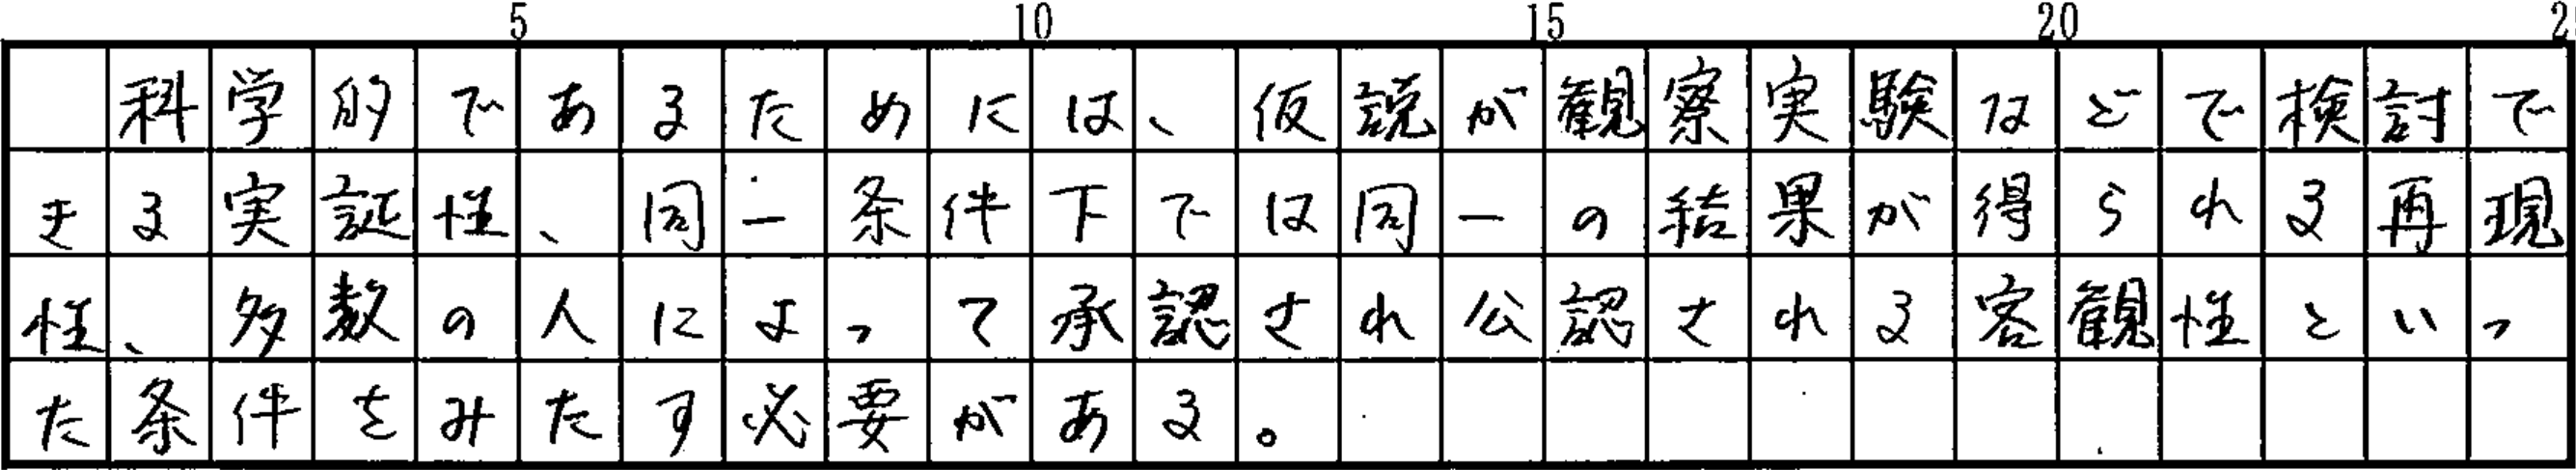　科学的であるためには、仮説が観察実験などで検討できる実証性、同一条件下では同一の結果が得られる再現性、多数の人によって承認され公認される客観性といった条件をみたす必要がある。
